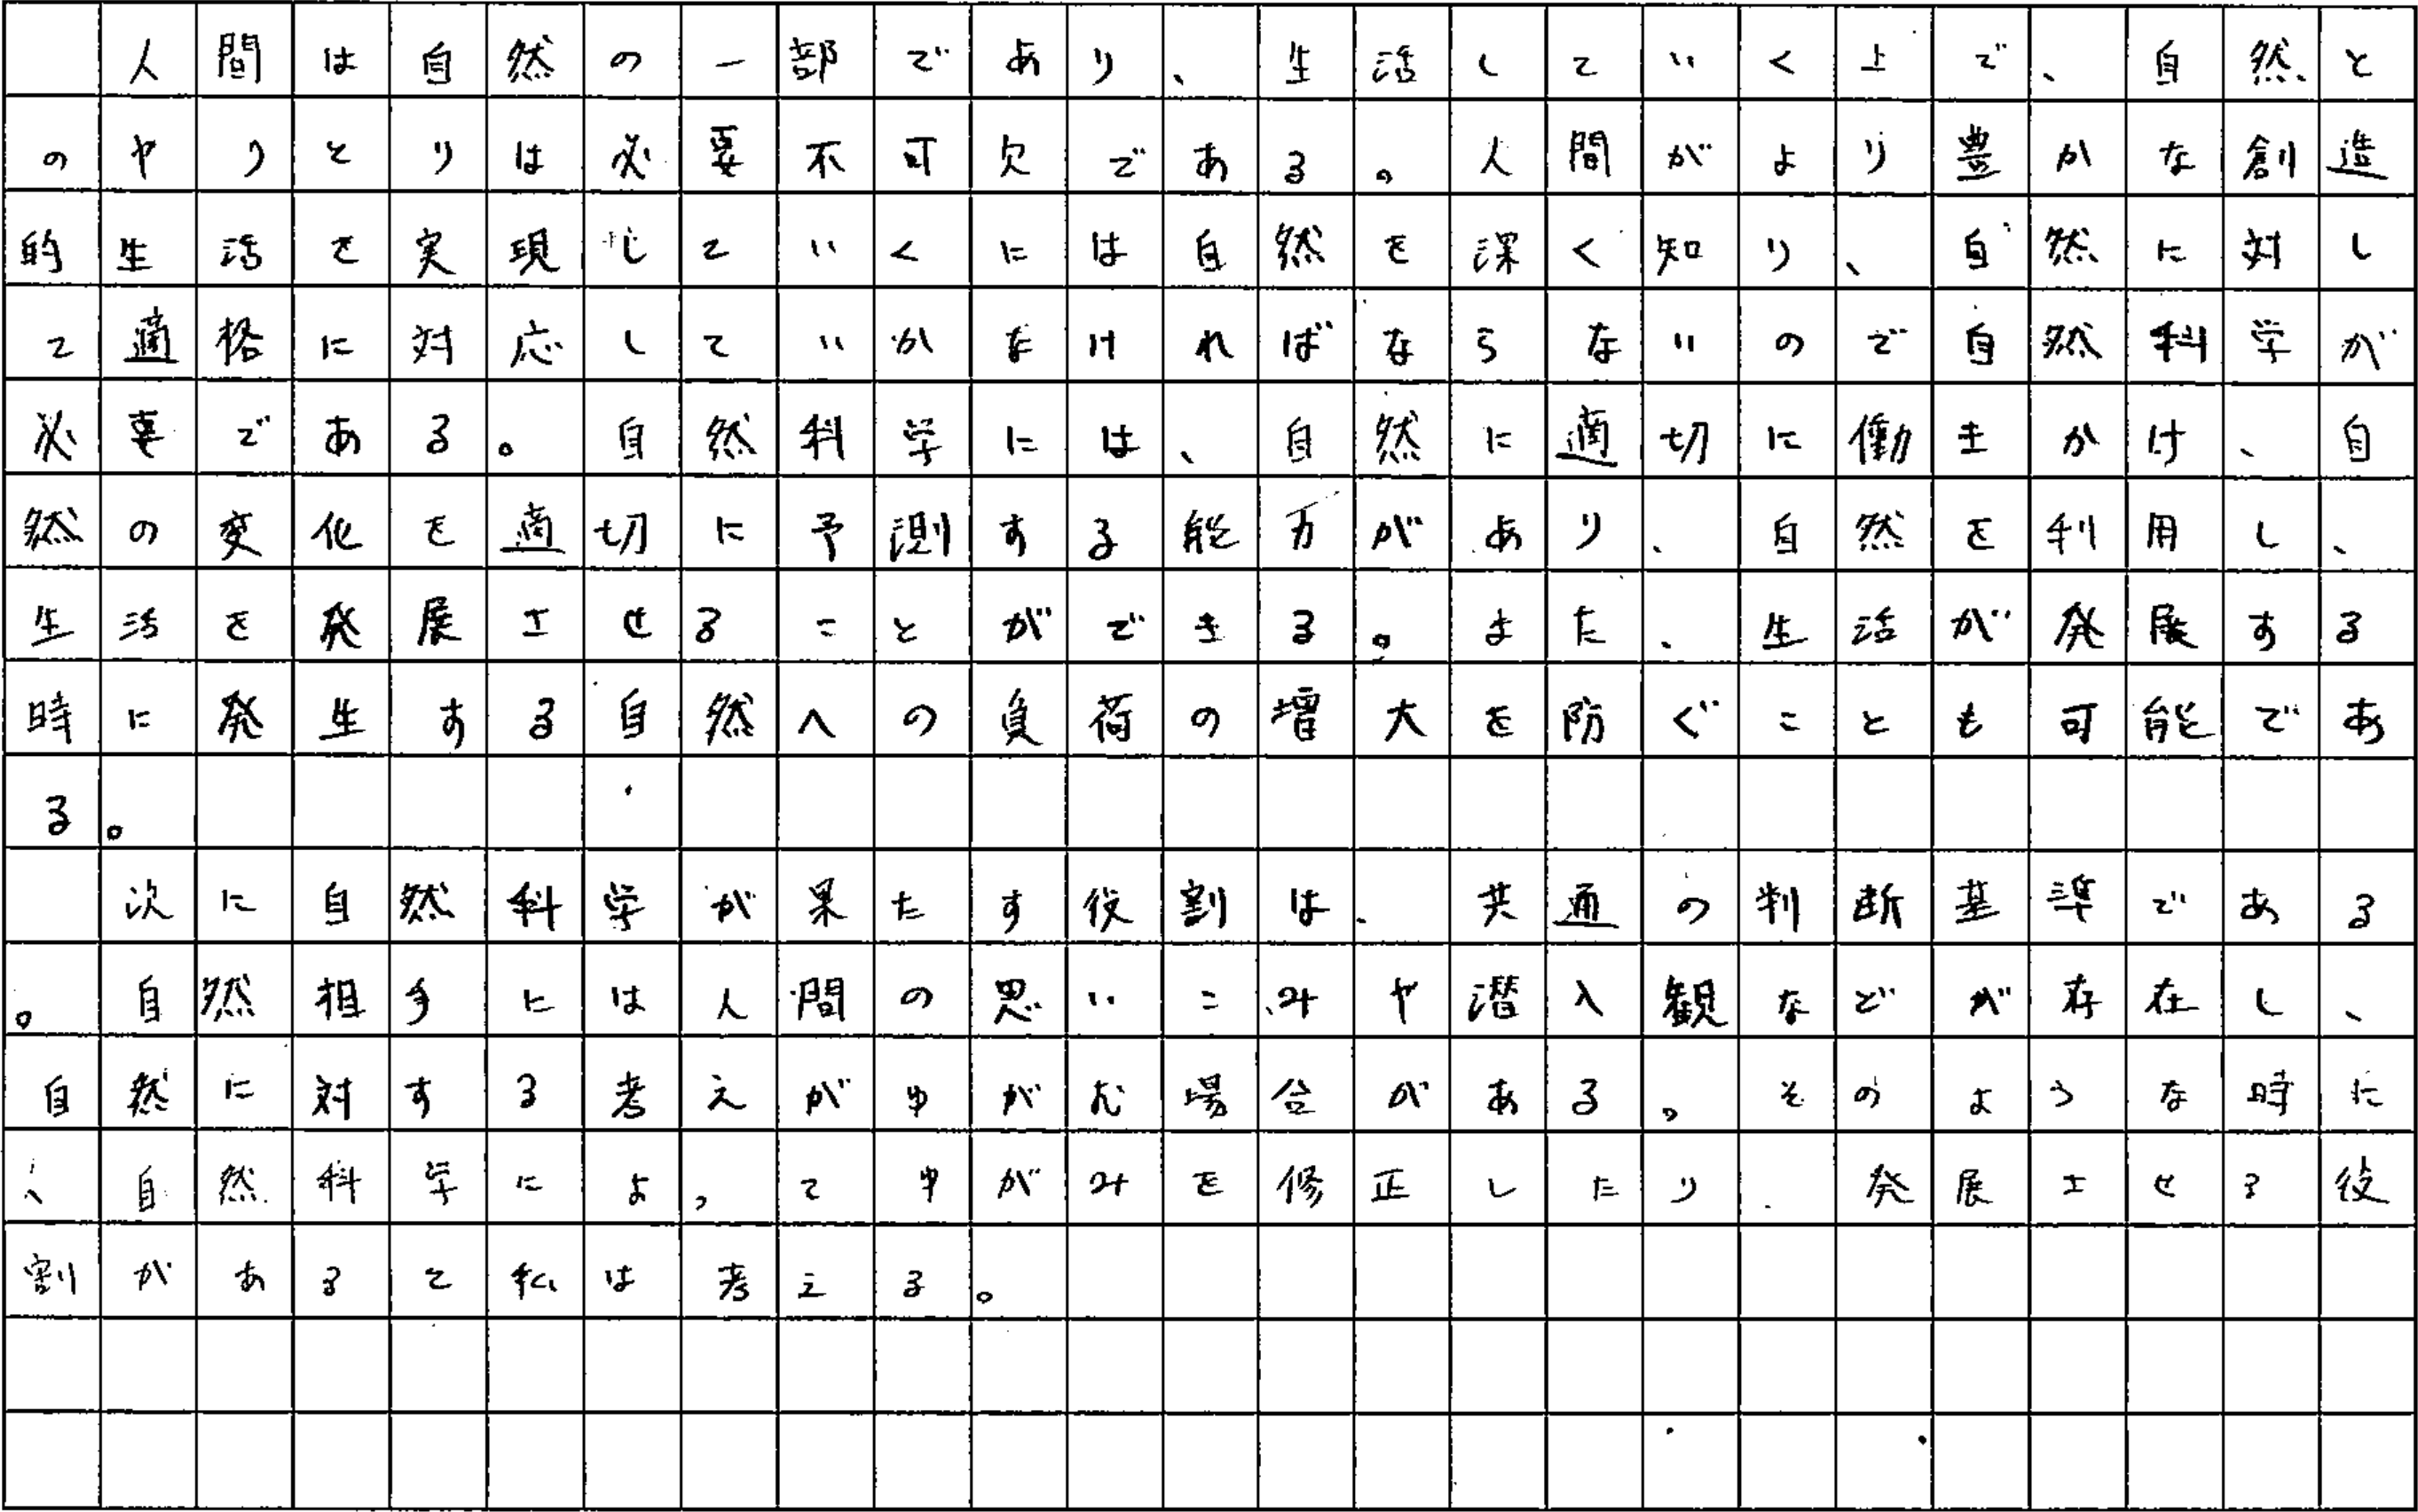　人間は自然の一部であり、生活していく上で、自然とのやりとりは必要不可欠である。人間がより豊かな創造的生活を実現していくには自然を深く知り、自然に対して適格に対応していかなければならないので自然科学が必要である。自然科学には、自然に適切に働きかけ、自然の変化を適切に予測する能力があり、自然を利用し、生活を発展させることができる。また、生活が発展する時に発生する自然への負荷の増大を防ぐことも可能である。
　次に自然科学が果たす役割は、共通の判断基準である。自然相手には人間の思いこみや潜入観などが存在し、自然に対する考えがゆがむ場合がある。そのような時に、自然科学によってゆがみを修正したり、発展させる役割があると私は考える。
